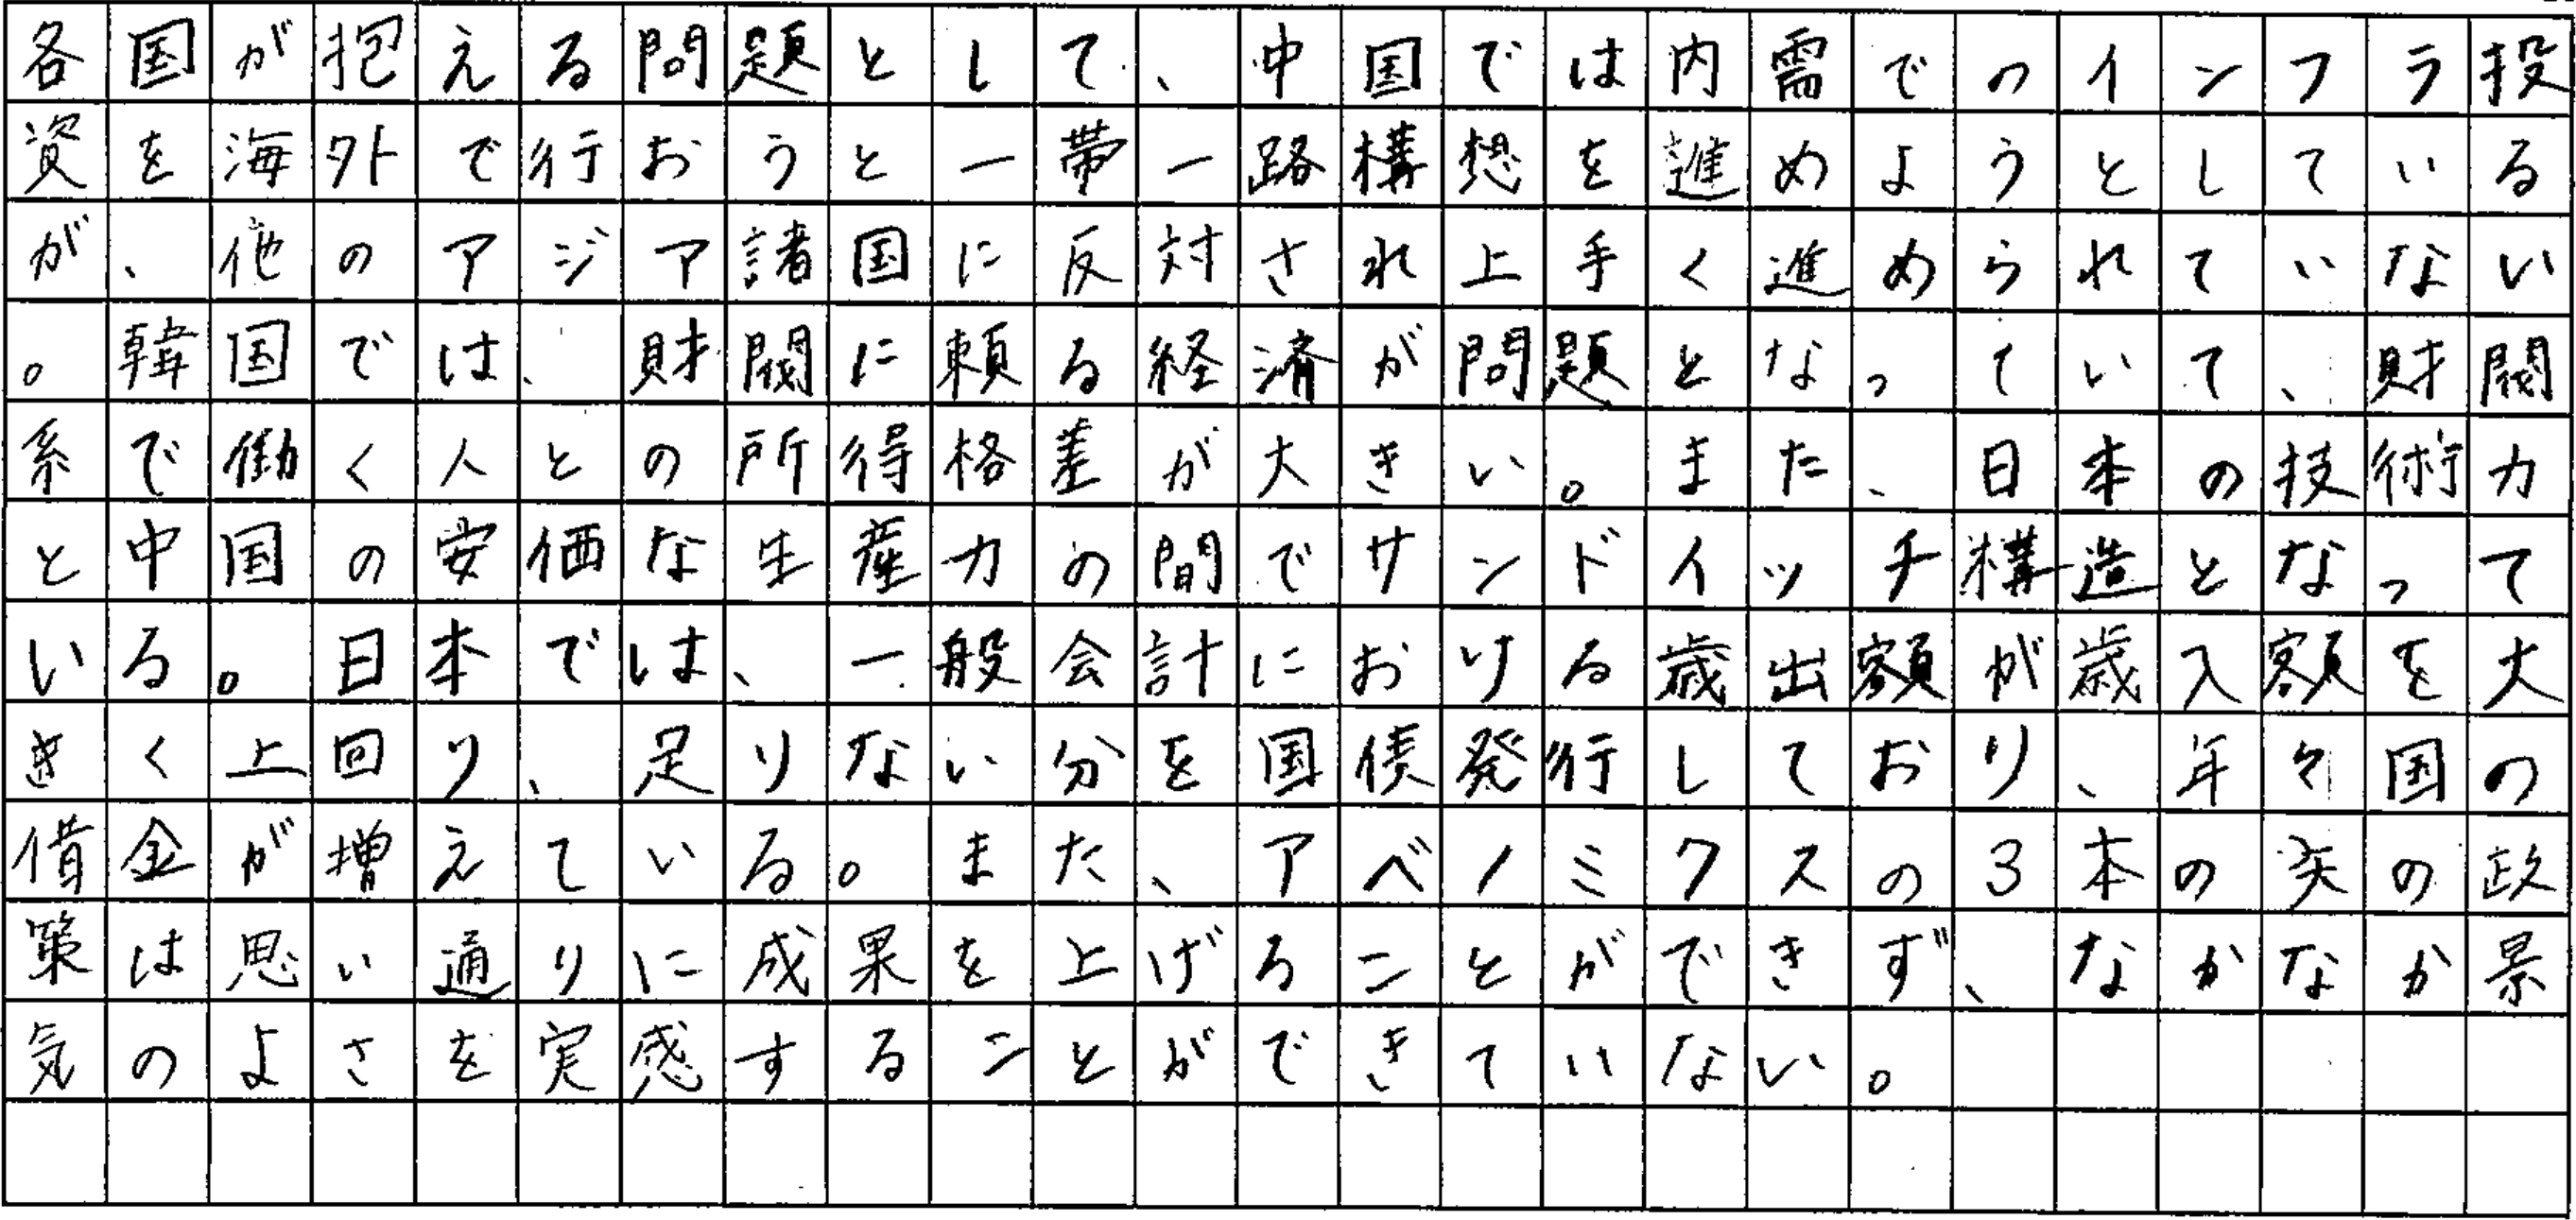各国が抱える問題として、中国では内需でのインフラ投資を海外で行おうと一帯一路構想を進めようとしているが、他のアジア諸国に反対され上手く進められていない。韓国では、財閥に頼る経済が問題となっていて、財閥系で働く人との所得格差が大きい。また、日本の技術力と中国の安価な生産力の間でサンドイッチ構造となっている。日本では、一般会計における歳出額が歳入額を大きく上回り、足りない分を国債発行しており、年々国の借金が増えている。また、アベノミクスの３本の矢の政策は思い通りに成果を上げることができず、なかなか景気のよさを実感することができていない。
